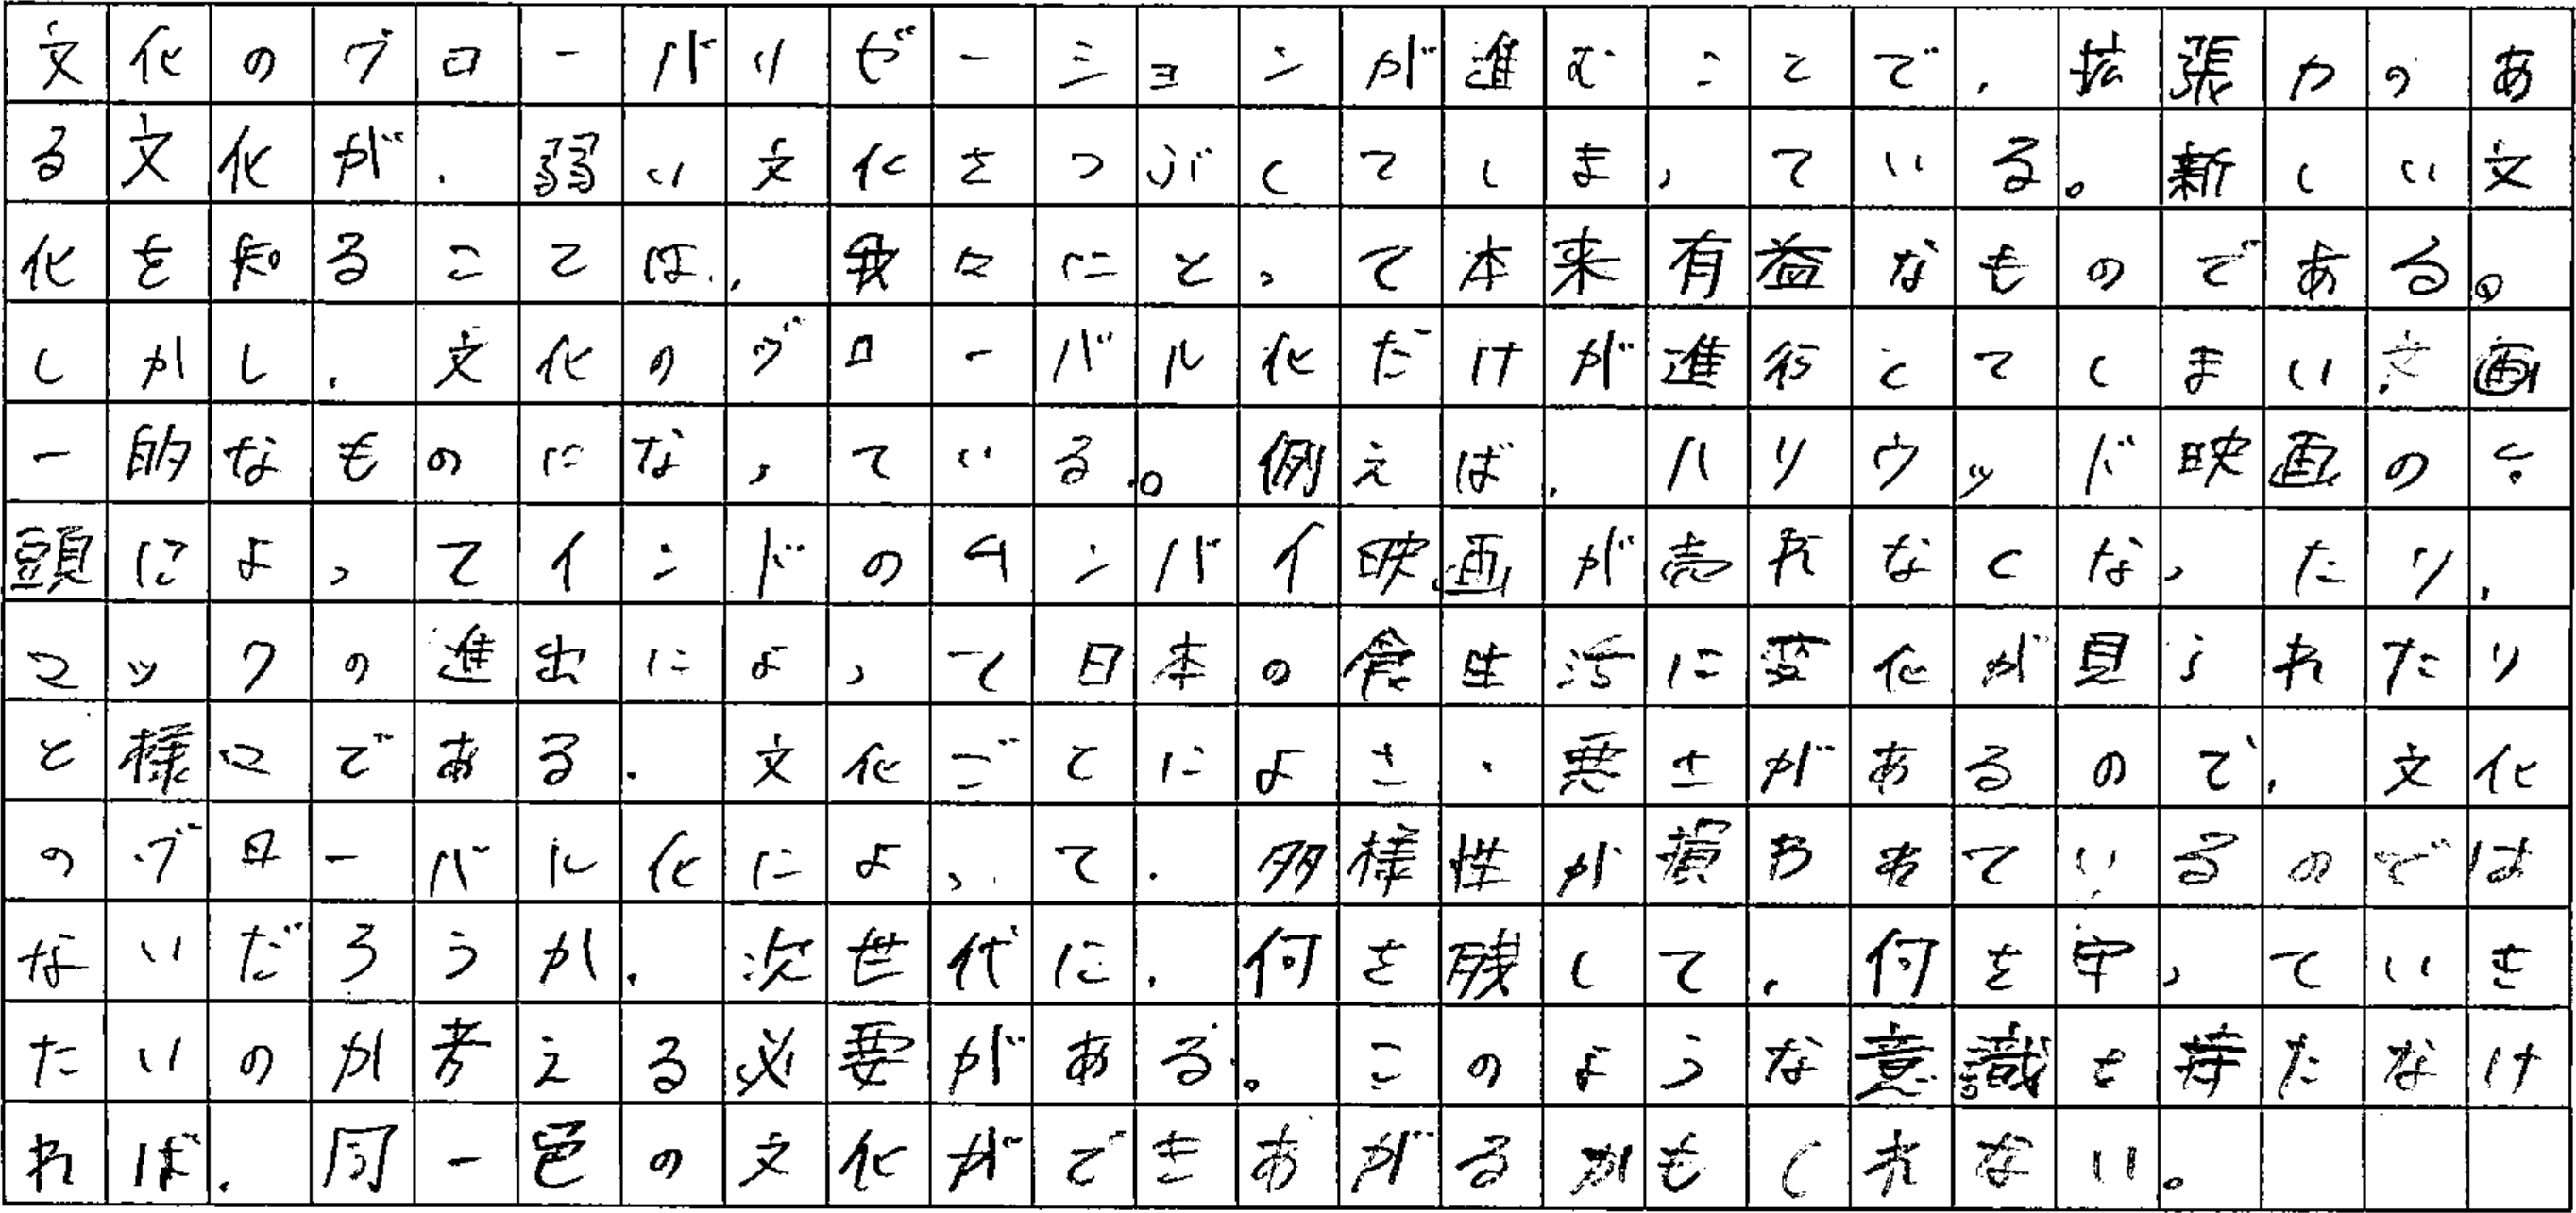文化のグローバリゼーションが進むことで、拡張力のある文化が、弱い文化をつぶしてしまっている。新しい文化を知ることは、我々にとって本来有益なものである。しかし、文化のグローバル化だけが進行してしまい、画一的なものになっている。例えば、ハリウッド映画の台頭によってインドのムンバイ映画が売れなくなったり、マックの進出によって日本の食生活に変化が見られたりと様々である。文化ごとによさ・悪さがあるので、文化のグローバル化によって、多様性が損われているのではないだろうか。次世代に、何を残して、何を守っていきたいのか考える必要がある。このような意識を持たなければ、同一色の文化ができあがるかもしれない。
